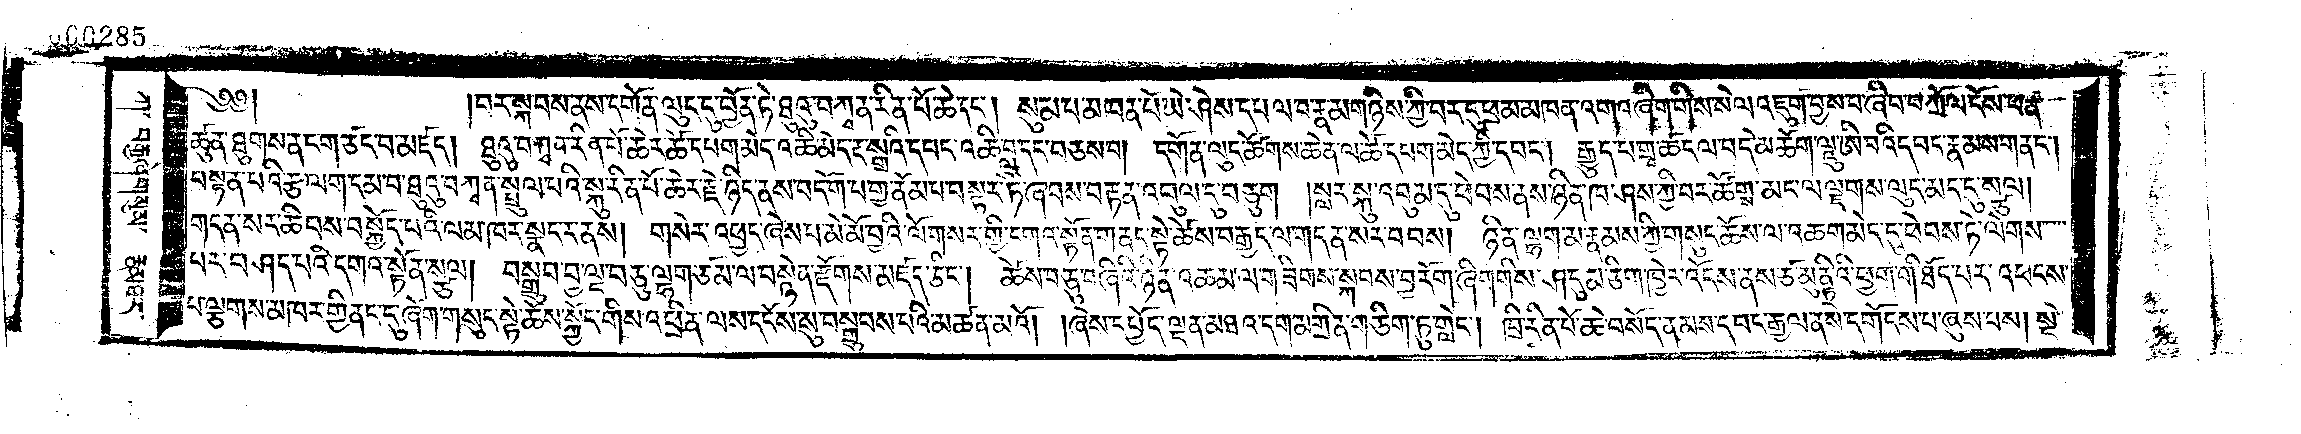༄༅། །བར་སྐབས་ནས་དགོན་ལུང་དུ་བྱོན་ཏེ་ཐུའུ་བཀྭན་རིན་པོ་ཆེ་དང་། སུམ་པ་མཁན་པོ་ཡེ་ཤེས་དཔལ་བ་རྣམ་གཉིས་ཀྱི་བར་དུ་ཕྲ་མ་མཁན་འགའ་ཞིག་གིས་སེལ་འཇུག་བྱས་པ་ཞིབ་བཀྲོལ་ངོས་ཕན་
ཚུན་ཐུགས་ནང་གཙང་པ་མཛད། ཐུའུ་བཀྭན་རིན་པོ་ཆེར་ཚེ་དཔག་མེད་འཆི་མེད་རྔ་སྒྲའི་དབང་འཆི་བླུ་དང་བཅས་པ། དགོན་ལུང་ཚོགས་ཆེན་ལ་ཚེ་དཔག་མེད་ཀྱི་དབང་། རྒྱུད་པ་གྲྭ་ཚང་ལ་བདེ་མཆོག་ལཱུ་ཨི་བའི་དབང་རྣམས་གནང་།
བསྟན་པའི་རྩ་ལག་དམ་པ་ཐུའུ་བཀྭན་སྤྲུལ་པའི་སྐུ་རིན་པོ་ཆེར་རྗེ་ཉིད་ནས་བདོག་པ་གྱ་ནོམ་པ་བསྟར་ཏེ་ཞབས་བརྟན་འབུལ་དུ་བཅུག །སླར་སྐུ་འབུམ་དུ་ཕེབས་ནས་ཉིན་ཁ་ཤས་ཀྱི་བར་ཚོགས་མང་ལ་ལྗགས་ལུང་མང་དུ་སྩལ།
གདན་སར་ཆིབས་བསྐྱོད་པའི་ལམ་ཁར་སྣང་ར་ནས། གསེར་འཕྱང་ཞེས་བ་མེ་མོ་བྱའི་ལོ་གསར་གྱི་དགའ་སྟོན་གནང་སྟེ་ཚེས་བརྒྱད་ལ་གདན་སར་བབས། ཉིན་ལྷག་མ་རྣམས་ཀྱི་གསུང་ཆོས་ལ་འཆག་མེད་དུ་ཕེབས་ཏེ་ལེགས་
པར་བཤད་པའི་དགའ་སྟོན་སྩལ། བསྒྲུབ་བྱ་ལྔ་བཅུ་ལྷག་ཙམ་ལ་བསྙེན་རྫོགས་མཛད་ཅིང་། ཚེས་བཅུ་བཞིའི་ཉིན་འཆམ་ལ་གཟིགས་སྐབས་བྱ་རོག་ཞིག་གིས་ཤ་དུམ་ཅིག་ཁྱེར་འོངས་ནས་ཙ་མུནྟྲིའི་ཕྱག་གི་ཐོད་པར་འཕངས་
པ་ལྕགས་མཁར་གྱི་ནང་དུ་ཞོག་གསུང་སྟེ་ཆོས་སྐྱོང་གིས་འཕྲིན་ལས་དངོས་སུ་བསྒྲུབས་པའི་མཚན་མའོ། །ཞེས་དཔྱོད་ལྡན་མཐའ་དག་མགྲིན་གཅིག་ཏུ་གླེང་། ཁྲི་རིན་པོ་ཆེ་བསོད་ནམས་དབང་རྒྱལ་ནས་དགོངས་པ་ཞུས་པས། སྡེ་